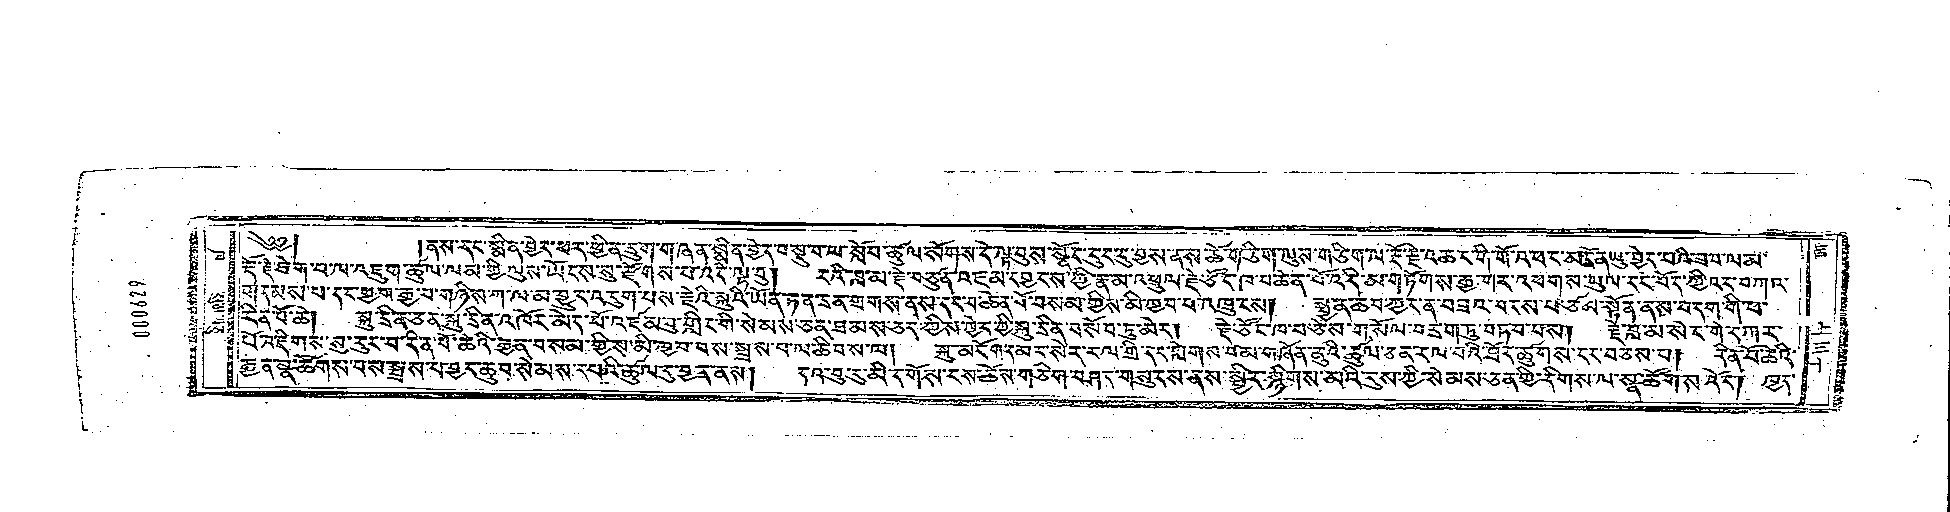༄༅། །ནས་རང་སྨིན་བྱེད་ཕར་ཕྱིན་དྲུག་གཞན་སྨིན་བྱེད་བསྡུ་བ་ལ་སློབ་ཚུལ་སོགས་དེ་ལྟ་བུས་སྣོད་དུང་དུ་བྱས་ནས་ཚེ་གཅིག་ལུས་གཅིག་ལ་རྡོ་རྗེ་འཆང་གི་གོ་འཕང་མངོན་ཡུ་བྱེད་པའི་ཟབ་ལམ་
རྡོ་རྗེ་ཐེག་པ་ལ་འཇུག་ཚུལ་ལམ་གྱི་ལུས་ཡོངས་སུ་རྫོགས་པ་འདི་ལྟ་བུ། ངའི་བླ་མ་རྗེ་བཙུན་འཇམ་དབྱངས་ཀྱི་རྣམ་འཕྲུལ་རྗེ་ཙོང་ཁ་པ་ཆེན་པོ་འདི་མ་གཏོགས་རྒྱ་གར་འཕགས་ཡུལ་དང་བོད་ཀྱིའང་བཀའ་
གདམས་པ་དང་ཕྱག་རྒྱ་པ་གཉིས་ཀ་ལ་མ་བྱུང་འདུག་པས་རྗེའི་སྐུའི་ཡོན་ཏན་དྲན་གྲགས་ནས་དང་པ་ཆེན་པོ་བསམ་གྱིས་མི་ཁྱབ་པ་འཁྲུངས། སྤྱན་ཆབ་ཀྱང་ན་བཟའ་བདས་པ་ཙམ་སྟོན་ནས་བདག་གི་ཕ་
རིན་པོ་ཆེ། སྐུ་དྲིན་ཅན་སྐུ་དྲིན་འཁོར་མེད་པོ་འཛམ་བུ་གླིང་གི་སེམས་ཅན་ཐམས་ཅད་ཀྱིས་ཁྱེད་ཀྱི་སྐུ་དྲིན་བསོབ་ཏུ་མེད། རྗེ་ཙོང་ཁ་པ་ཅེས་གསོལ་བ་དྲག་ཏུ་བཏབ་པས། རྗེ་བླ་མ་སེང་གེ་དཀར་
པོ་འཇིགས་སུ་རུང་བ་རིན་པོ་ཆེའི་རྒྱན་བསམ་གྱིས་མི་ཁྱབ་བས་སྤྲས་པ་ལ་ཆིབས་ལ། སྐུ་མདོག་དམར་སེར་རལ་གྲི་དང་གླེགས་བམ་གཞོན་ནུའི་ཚུལ་ཅན་རལ་བའི་ཐོར་ཚུགས་དང་བཅས་པ། རིན་པོ་ཆེའི་
རྒྱན་སྣ་ཚོགས་པས་སྤྲས་པ་བྱང་ཆུབ་སེམས་དཔའི་ཚུལ་དུ་བྱོན་ནས། དའི་བུ་དུ་མི་དགོས་ངས་ཆོས་གཅིག་བཤད་གསུངས་ནས་སྤྱིར་སྙིགས་མའི་དུས་ཀྱི་སེམས་ཅན་གྱི་རིགས་ལ་སྣ་ཚོགས་འོང་། ཁྱད་